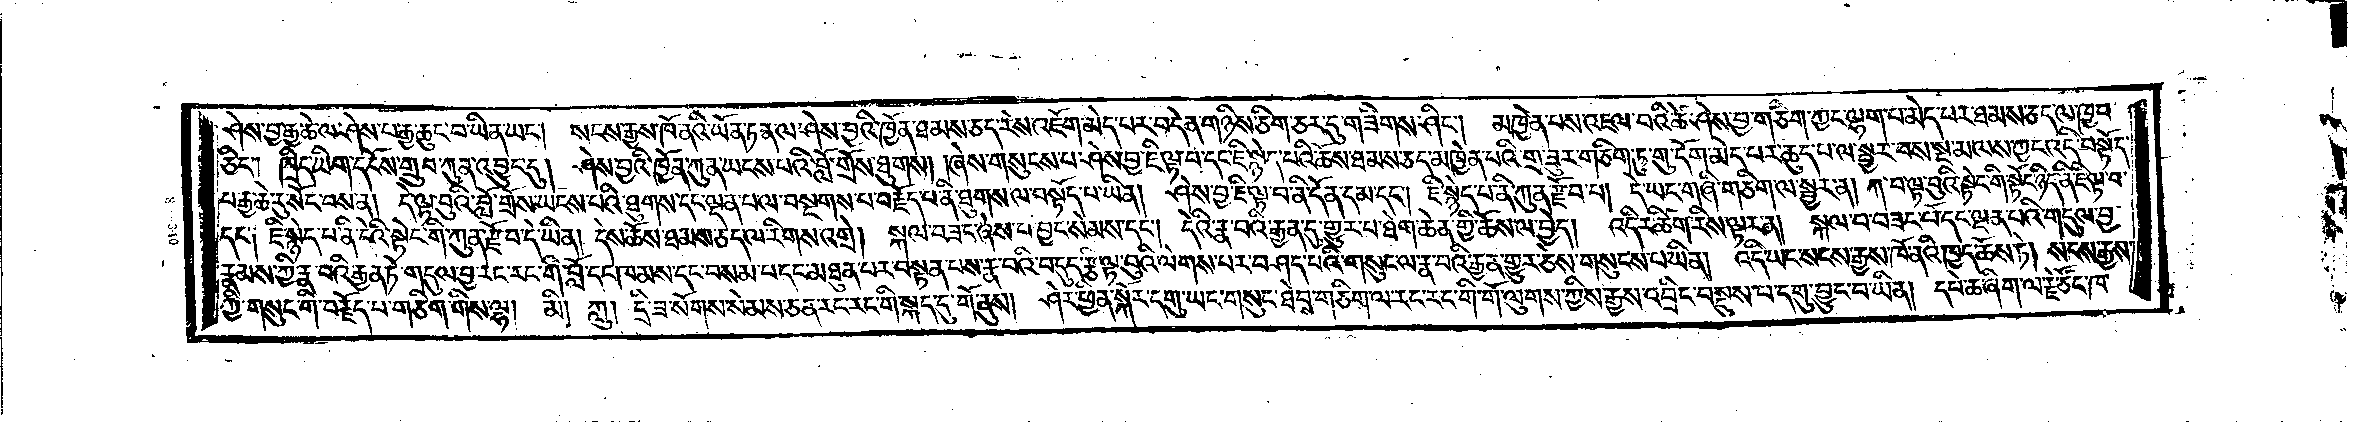ཤེས་བྱ་རྒྱ་ཆེ་ལ་ཤེས་པ་རྒྱ་ཆུང་བ་ཡིན་ཡང་། སངས་རྒྱས་ཁོ་ནའི་ཡོན་ཏན་ལ་ཤེས་བྱའི་ཁྱོན་ཐམས་ཅད་རེས་འཇོག་མེད་པར་བདེན་གཉིས་ཅིག་ཅར་དུ་གཟིགས་ཤིང་། མཁྱེན་པས་འཇལ་བའི་ཚེ་ཤེས་བྱ་གཅིག་ཀྱང་ལྷག་པ་མེད་པར་ཐམས་ཅད་ལ་ཁྱབ་
ཅིང་། ཁྲིད་ཡིག་དངོས་གྲུབ་ཀུན་འབྱུང་དུ། ཤེས་བྱའི་ཁྱོན་ཀུན་ཡངས་པའི་བློ་གྲོས་ཐུགས། །ཞེས་གསུངས་པ་ཤེས་བྱ་ཇི་ལྟ་བ་དང་ཇི་སྙེད་པའི་ཆོས་ཐམས་ཅད་མཁྱེན་པའི་གྲ་ཟུར་གཅིག་ཏུ་གུ་དོག་མེད་པར་ཆུད་པ་ལ་སྦྱར་བས་སྔ་མ་ལས་ཀྱང་འདི་བསྟོད་
པ་རྒྱ་ཆེ་རུ་སོང་བས་ན། དེ་ལྟ་བུའི་བློ་གྲོས་ཡངས་པའི་ཐུགས་དང་ལྡན་པ་ལ་བསྔགས་པ་བརྗོད་པ་ནི་ཐུགས་ལ་བསྟོད་པ་ཡིན། ཤེས་བྱ་ཇི་ལྟ་བ་ནི་དོན་དམ་དང་། ཇི་སྙེད་པ་ནི་ཀུན་རྫོབ་པ། དེ་ཡང་གཞི་གཅིག་ལ་སྦྱར་ན། ཀ་བ་ལྟ་བུའི་སྟེང་གི་སྟོང་ཉིད་ནི་ཇི་ལྟ་བ་
དང༑ ཇི་སྙེད་པ་ནི་དེའི་སྟེང་གི་ཀུན་རྫོབ་དེ་ཡིན། དེས་ཆོས་ཐམས་ཅད་ལ་རིགས་འགྲེ། སྐལ་བཟང་ཞེས་པ་བྱང་སེམས་དང་། དེའི་རྣ་བའི་རྒྱན་དུ་གྱུར་པ་ཐེག་ཆེན་གྱི་ཆོས་ལ་བྱེད། འདིར་ཚིག་རིས་ལྟར་ན། སྐལ་བ་བཟང་པོ་དང་ལྡན་པའི་གདུལ་བྱ་
རྣམས་ཀྱི་རྣ་བའི་རྒྱན་ཏེ་གདུལ་བྱ་རང་རང་གི་བློ་དང་ཁམས་དང་བསམ་པ་དང་མཐུན་པར་བསྟན་པས་རྣ་བའི་བདུད་རྩི་ལྟ་བུའི་ལེགས་པར་བཤད་པའི་གསུང་ལ་རྣ་བའི་རྒྱན་གྱུར་ཅེས་གསུངས་པ་ཡིན། འདི་ཡང་སངས་རྒྱས་ཁོ་ནའི་ཁྱད་ཆོས་ཏེ། སངས་རྒྱས་
ཀྱི་གསུང་གི་བརྗོད་པ་གཅིག་གིས་ལྷ། མི། ཀླུ། དྲི་ཟ་སོགས་སེམས་ཅན་རང་རང་གི་སྐད་དུ་གོ་ནུས། ཤེར་ཕྱིན་སྐོར་དགུ་ཡང་གསུང་ཐེབས་གཅིག་ལ་རང་རང་གི་གོ་ལུགས་ཀྱིས་རྒྱས་འབྲིང་བསྡུས་པ་དགུ་བྱུང་བ་ཡིན། དཔེ་ཆ་ཞིག་ལ་རྗེ་ཙོང་ཁ་